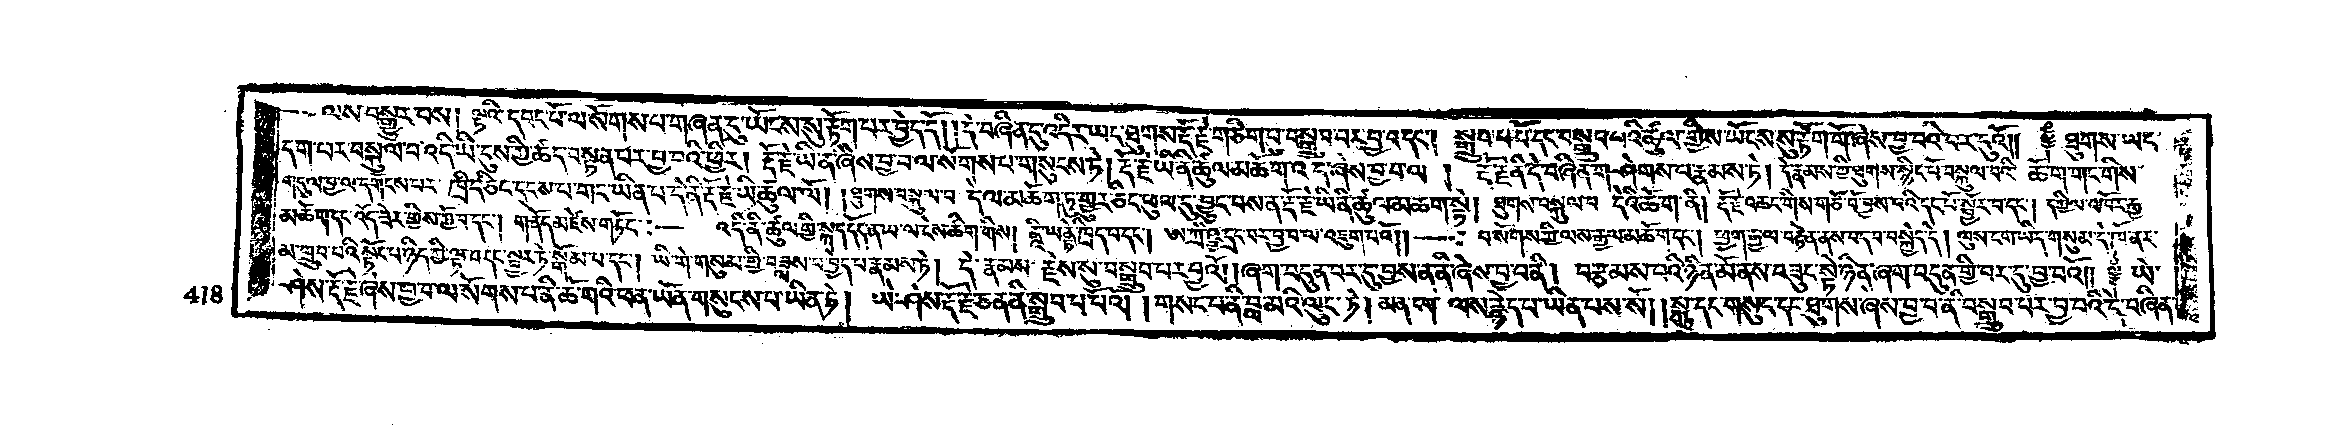.H ལས་བསྒྱུར་པས། ལྷའི་དབང་པོ་ལ་སོགས་པ་གཞན་དུ་ཡོངས་སུ་རྟོག་པར་བྱེད་དོ། །དེ་བཞིན་དུ་འདིར་ཡང་ཐུགས་རྡོ་རྗེ་གཅིག་པུ་བསྒྲུབ་པར་བྱ་བ་དང་། སྒྲུབ་པ་པོ་དང་བསྒྲུབ་པའི་ཚུལ་གྱིས་ཡོངས་སུ་རྟོག་གོ་ཞེས་བྱ་བའི་བར་དུའོ།། ༈ ཐུགས་ཡང་
དག་པར་བསྐུལ་བ་འདི་ཡི་དུས་ཀྱི་ཚད་བསྟན་པར་བྱ་བའི་ཕྱིར། རྡོ་རྗེ་ཡི་ནི་ཞེས་བྱ་བ་ལ་སོགས་པ་གསུངས་ཏེ། རྡོ་རྗེ་ཡི་ནི་ཚུལ་མཆོག་འདི་ཞེས་བྱ་བ་ལ། རྡོ་རྗེ་ནི་དེ་བཞིན་གཤེགས་པ་རྣམས་ཏེ། དེ་རྣམས་ཀྱི་ཐུགས་སྙིང་པོ་བསྐུལ་བའི་ཆོ་ག་གང་གིས་
གདུལ་བྱ་ལ་དགོངས་པར་ཁྲིད་ཅིང་དངོས་པོ་གང་ཡིན་པ་དེ་ནི་རྡོ་རྗེ་ཡི་ཚུལ་ལོ། ། ཐུགས་བསྐུལ་བ་དེ་ལ་མཆོག་ཏུ་གྱུར་ཅིང་ཕུལ་དུ་བྱུང་བས་ན་རྡོ་རྗེ་ཡི་ནི་ཚུལ་མཆོག་སྟེ། ཐུགས་བསྐུལ་བ་དེའི་ཆོ་ག་ནི། རྡོ་རྗེ་འཆང་གིས་གཙོ་བོ་བྱས་པའི་དང་པོ་སྦྱོར་བ་དང་། དཀྱིལ་འཁོར་རྒྱལ་
མཆོག་དང་འོད་ཟེར་གྱིས་ཀྱོ་བ་དང་། གནོད་མཛེས་གཏོང་H.་འདི་ནི་ཚུལ་གྱི་སྐད་དོད་ན་ཡ་ལ་ངེས་ཚིག་གིས། ནཱི་ཡན་ཏེ་ཁྲིད་པ་དང་། ཨ་ཀྲི་ཥྱ་དྲང་བར་བྱ་བ་ལ་འཇུག་པའོ།། .H པ་སོགས་ཀྱི་ལས་རྒྱལ་མཆོག་དང་། ཕྱག་རྒྱ་ལ་བརྟེན་ནས་བདེ་བ་བསྐྱེད་དེ། ལུས་ངག་ཡིད་གསུམ་དེ་ཁོ་ནར་
མ་གྲུབ་པའི་སྟོང་པ་ཉིད་ཀྱི་ལྟེ་བ་དང་སྦྱར་ཏེ་སྒོམ་པ་དང་། ཡི་གེ་གསུམ་གྱི་བཟླས་པ་བྱེད་པ་རྣམས་ཏེ། དེ་རྣམས་རྗེས་སུ་བསྒྲུབ་པར་བྱའོ། །ཞག་བདུན་བར་དུ་བྱས་ན་ནི་ཞེས་བྱ་བ་ནི། བརྩམས་པའི་ཉིན་མོ་ནས་བཟུང་སྟེ་ཉིན་ཞག་བདུན་གྱི་བར་དུ་བྱ་བའོ།། ༈ ཡེ་
ཤེས་རྡོ་རྗེ་ཞེས་བྱ་བ་ལ་སོགས་པ་ནི་ཆོ་གའི་ཕན་ཡོན་གསུངས་པ་ཡིན་ཏེ། ཡེ་ཤེས་རྡོ་རྗེ་ཅན་ནི་སྒྲུབ་པ་པོའོ། །གསང་བ་ནི་བླ་མའི་ལུང་ཏེ། མན་ངག་ལས་རྙེད་པ་ཡིན་པས་སོ། །སྐུ་དང་གསུང་དང་ཐུགས་ཞེས་བྱ་བ་ནི་བསྒྲུབ་པར་བྱ་བའི་དེ་བཞིན་